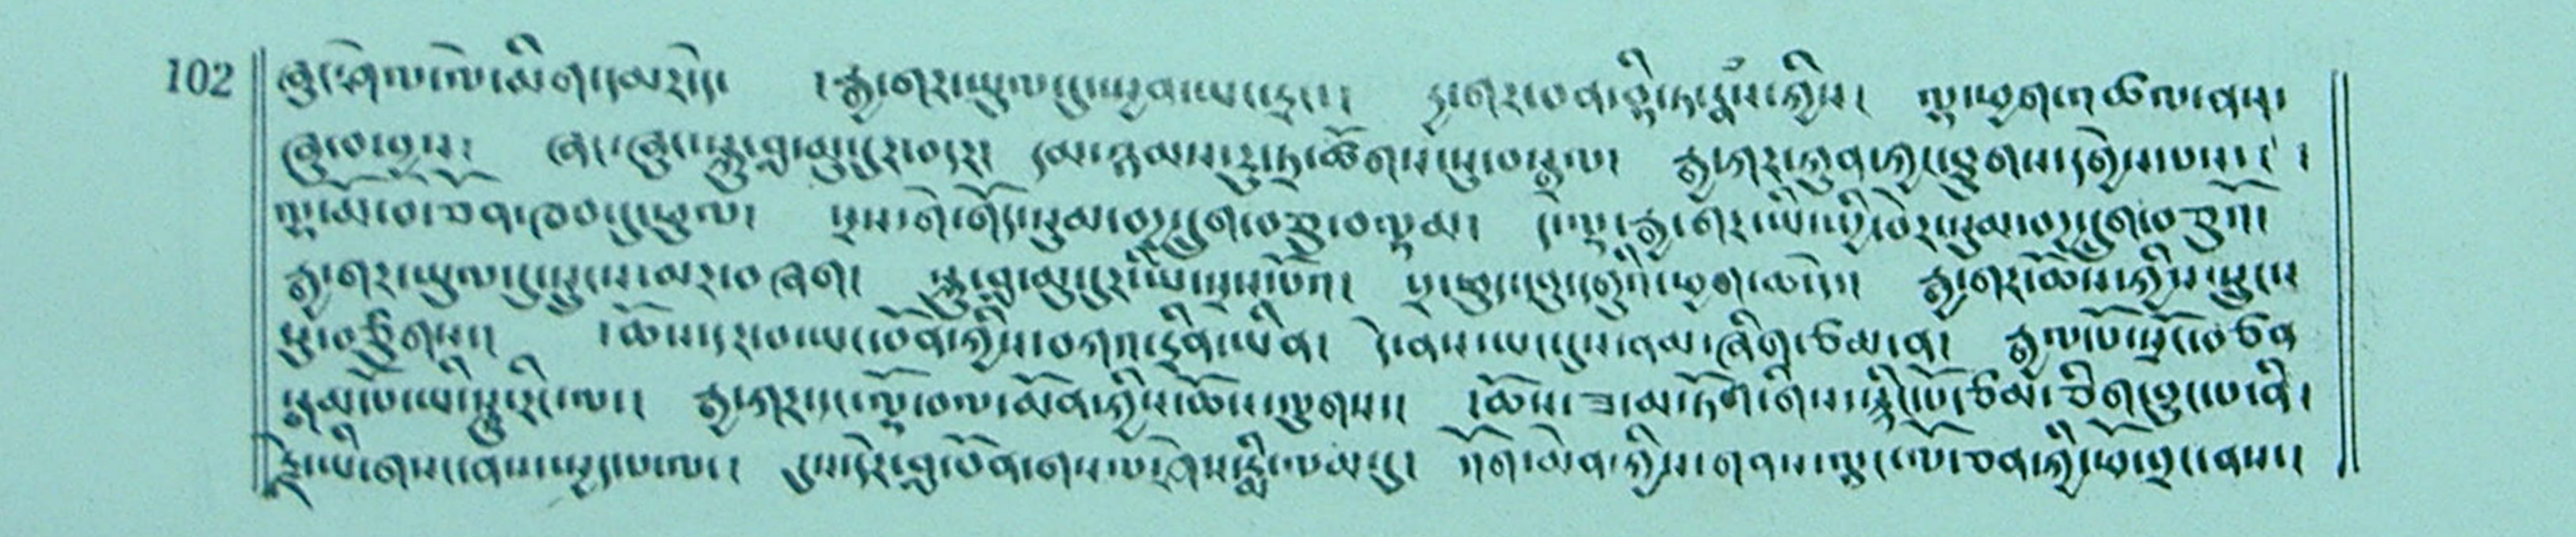ཞུང་ཤེལ་ལེ་མིག་དམར་དེ། རྒྱ་གར་ཡུལ་དུ་སྤྱན་ཡང་དྲངས རྒྱ་གར་བན་བྷི་ཏ་རྣམས་ཀྱིས། ལྷ་ཕྱག་འཚལ་ནས་
ཞུ་བ་བྱས། ཞང་ཞུང་སྐུ་བླ་མུ་དུར་བདར། དམ་ཉམས་རུ་ཏྲ་ཚོགས་སུ་བསྒྲལ། རྒྱ་གར་ཀུན་ཀྱང་ཐུགས་རྗེ་དགྱེས་པས།
 ལྷ་མོ་བེ་ཅོན་ཁབ་ཏུ་ཕུལ། དེའི་སྲས་གེ་ཁོད་སུམ་བརྒྱ་དྲུག་བཅུ་བལྟམས། དེ་ལྟ་རྒྱ་གར་གྱི་སྤྱི་བེར་སུམ་བརྒྱ་དྲུག་བཅུའོ། །
རྒྱ་གར་ཡུལ་དུ་བསྲུང་མ་བཞག སྐུ་བླ་མུ་དུར་གྱི་སྲས་པོའ། །བྲ་ཕུད་དབུ་དགུའི་ཕྱག་ཆ་དེ། རྒྱ་གར་ཆོས་ཀྱི་བསྲུངས་
སུ་བཙུགས། ཆོས་དར་བ་ཡང་བོན་གྱི་བཀའ་དྲིན་ཡིན། དེ་ནས་ཡང་དུས་ནམ་ཞིག་ཙམ་ན། རྒྱལ་བོ་སྲོང་བཙན་
སྒམ་པོའི་སྐུ་རིང་ལ། རྒྱ་གར་དང་ལྷོ་བལ་མོན་གྱི་ཆོས་ལུགས། ཆོས་ཟ་མ་ཏོག་གི་སྙིང་པོ་ཙམ་གཅིག་བྱུང་བ་ནི། 
རྗེ་ཡིས་གསང་ནས་སྤྱད་པ་ལ། དུས་དེར་བླ་བོན་གསལ་ཤེས་རྨི་ལམ་དུ། འོག་མིན་གྱི་གནས་ལྕང་ལོ་ཅན་གྱི་ཕོ་བྲང་ནས།